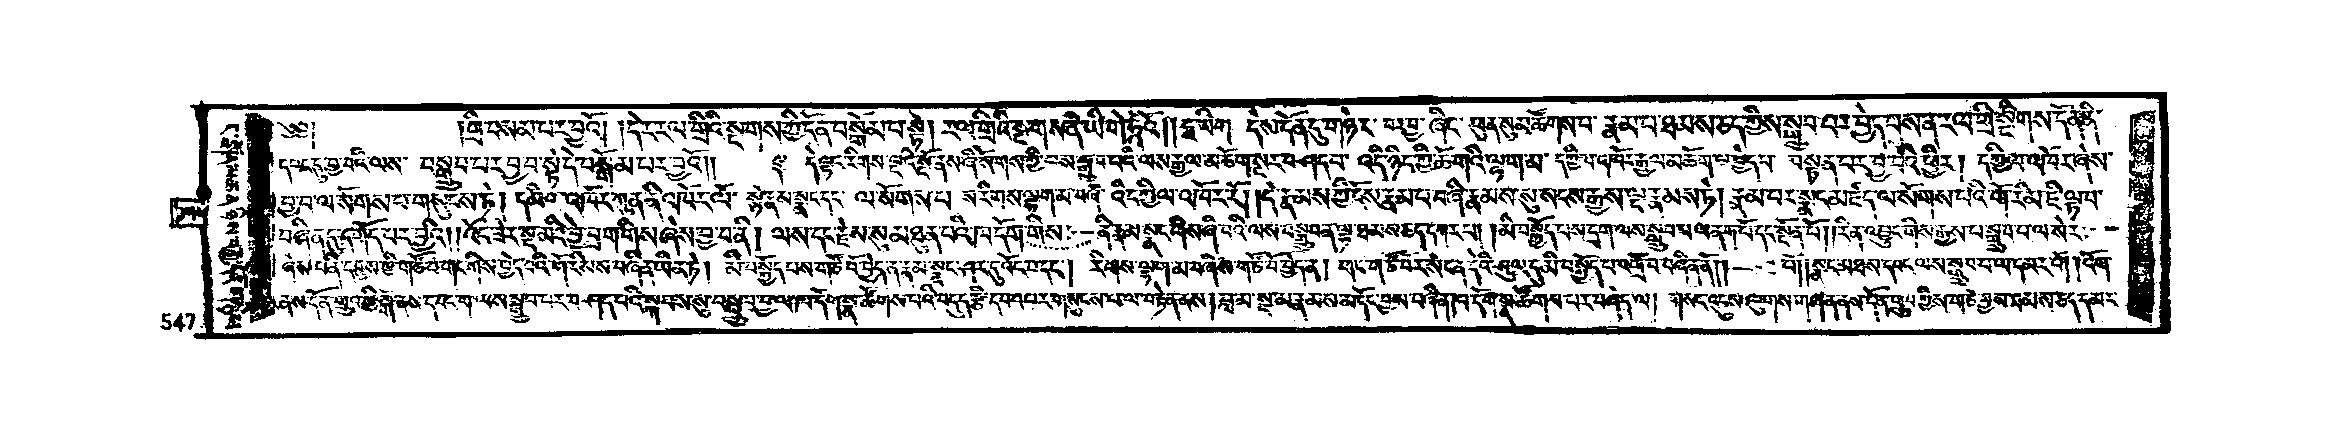༄༅། །གྲི་བསམ་པར་བྱའོ། །དེར་རལ་གྲིའི་སྔགས་ཀྱི་དོན་བསྒོམ་པ་སྟེ། རལ་གྲིའི་སྔགས་ནི་ཡི་གེ་ཧཱའོ། །ཧཱ་ཡིག་དེས་དོན་ཏུ་གཉེར་བར་བྱ་ཞིང་ཕུན་སུམ་ཚོགས་པ་རྣམ་པ་ཐམས་ཅད་ཀྱིས་སྒྲུབ་པར་བྱེད་པས་ན་རལ་གྲི་སྔགས་དོན་ནི་
དབང་དུ་བྱ་བའི་ལས་བསྒྲུབ་པར་བྱ་བ་སྟེ་དེ་བསྒོམ་པར་བྱའོ།། ༈ དེ་ལྟར་རིགས་ལྔའི་སྔོ་ནས་ཞི་སོགས་ཀྱི་པས་སྒྲུབ་པའི་ལས་རྒྱལ་མཆོག་སྔར་བཤད་པ་འདི་ཉིད་ཀྱི་ཆོ་གའི་ལྷག་མ་དཀྱིལ་འཁོར་རྒྱལ་མཆོག་ལྔ་བྱེད་པ་བསྟན་པར་བྱ་བའི་ཕྱིར། དཀྱིལ་འཁོར་ཞེས་
བྱ་བ་ལ་སོགས་པ་གསུངས་ཏེ། དཀྱིལ་འཁོར་ཀུན་ནི་འཁོར་ལོ་སྟེ་རྣམ་སྣང་དང་ལ་སོགས་པས་རིགས་ལྷག་མ་བཞིའི་དཀྱིལ་འཁོར་རོ། །དེ་རྣམས་ཀྱི་ངོས་རྣམ་པ་བཞི་རྣམས་སུ་སངས་རྒྱས་ལྔ་རྣམས་ཏེ། རྣམ་པར་སྣང་མཛད་ལ་སོགས་པའི་གོ་རིམ་ཇི་ལྟ་བ་
བཞིན་དུ་དགོད་པར་བྱའོ། །འོད་ཟེར་སྔ་མའི་བྱེ་བྲག་གིས་ཞེས་བྱ་བ་ནི། ལས་དང་རྗེས་སུ་མཐུན་པའི་ཁ་དོག་གིསཿ་ནི་རྣམ་སྣང་གིས་ཞི་བའི་ལས་བསྒྲུབ་ན་ལྷ་ཐམས་ཅད་དཀར་པ། །མི་བསྐྱོད་པས་དྲག་ལས་སྒྲུབ་པ་ལ་ནག་པོ་དང་སྔོན་པོ། །རིན་འབྱུང་གིས་རྒྱས་པ་སྒྲུབ་པ་ལ་སེརཿ
ཞེས་པ་ནི་དབུས་ཀྱི་གཙོ་བོ་གང་གིས་བྱེད་པའི་གོ་རིམས་བཞིན་ཡིན་ཏེ། མི་བསྐྱོད་པས་གཙོ་བོ་བྱེད་ན་རྣམ་སྣང་ཤར་དུ་འོང་བ་དང་། རིགས་ལྷག་མ་བཞིའི་གཙོ་བོ་བྱེད་ན། གང་གཙོ་བོར་སེང་ན་དེའི་ཤུལ་དུ་མི་བསྐྱོད་པ་འགྲོ་བ་བཞིན་ནོ།། .Hབོ། །སྣང་མཐས་དབང་ལས་སྒྲུབ་པ་ལ་དམར་པོ། །འོག་
ནས་དོན་གྲུབ་ཀྱི་སྒོ་ནས་དབང་གི་ལས་སྒྲུབ་པར་བཤད་པའི་སྐབས་སུ་བསྒྲུབ་བྱ་ལ་ཁ་དོག་སྣ་ཚོགས་པའི་བདུད་རྩི་དབབ་པར་གསུངས་པ་ལ་བརྟེན་ནས། བླ་མ་སྔ་མ་རྣམས་མདོང་བྱས་བཞིན་ཁ་དོག་སྣ་ཚོགས་པར་བཞེད་ལ། གསང་འདུས་ལུགས་གཞན་ནས་དོན་གྲུབ་ཀྱིས་གཙོ་བྱས་ཐམས་ཅད་དམར་